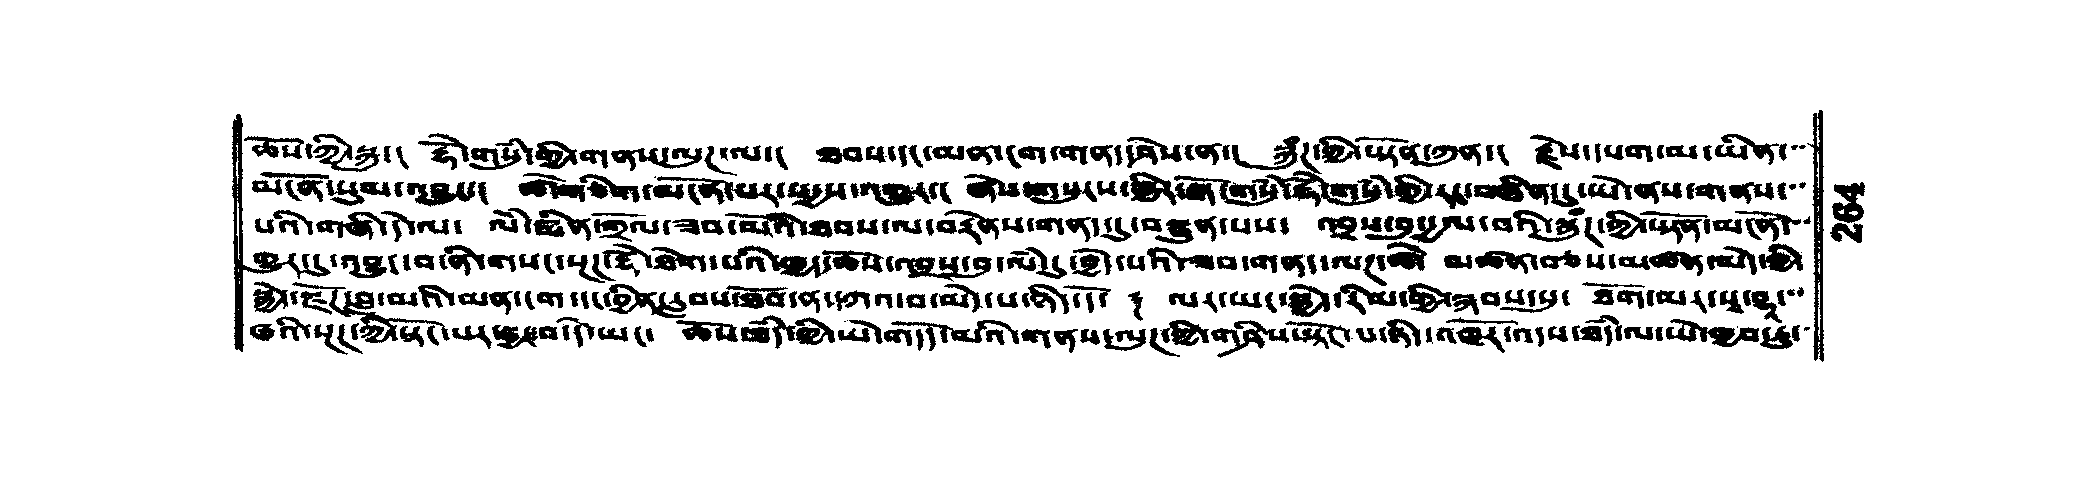ཆོས་ཀྱི་སྐུ། །རྡོ་རྗེ་གསུམ་གྱི་གནས་ལུགས་ལ། །ཐབས་དང་མན་ངག་གནད་ཤེས་ན། སྐུ་གསུང་ཐུགས་ཀྱི་ཡོན་ཏན་ཀུན། །རྗེས་དཔག་མ་ཡིན་
མངོན་སུམ་འབྱུང་། །ཚེ་གཅིག་མངོན་པར་སངས་རྒྱས་འགྱུར། ཞེས་གསུངས་ཕྱིར་སྒོ་གསུམ་རྡོ་རྗེ་གསུམ་གྱི་རང་བཞིན་དུ་ཡེ་ནས་གནས་
པའི་གཞི་དེ་ལ། ལམ་སྨིན་གྲོལ་ཟབ་མོའི་ཐབས་ལ་བརྟེན་ནས་གནད་དུ་བསྣུན་པས། འབྲས་བུ་རྒྱལ་བའི་སྐུ་གསུང་ཐུགས་ཀྱི་ཡོན་ཏན་མངོན་
གྱུར་དུ་འབྱུང་བ་ནི་གསང་སྔགས་རྡོ་རྗེ་ཐེག་པའི་ཁྱད་ཆོས་འབྲས་བུ་ལམ་དུ་བྱེད་པའི་ཟབ་གནད་ལགས་ཚེ། མཚན་བཅས་མཚན་མེད་ཀྱི་
བསྐྱེད་རྫོགས་བླ་མའི་མན་ངག་དང་བྱིན་རླབས་ཐོབ་ན་དཀའ་བ་མེད་པ་ཉིད་དོ། ༈ ལར་ཡང་བསྐྱེད་རིམ་གྱི་སྐབས་སུ། ཐོག་མར་སྭ་བྷཱ་
ཝའི་སྔགས་ཀྱི་སྟོང་པར་སྦྱང་བ་དེ་ཡང་། ཆོས་ཐམས་ཅད་ཀྱི་ཡེ་གདོད་མའི་གནས་ལུགས་ཀྱི་གཤིས་སྟོང་པ་ཉིད་འཁོར་འདས་ཐམས་ཅད་ལ་ཡེ་ཁྱབ་ཏུ་